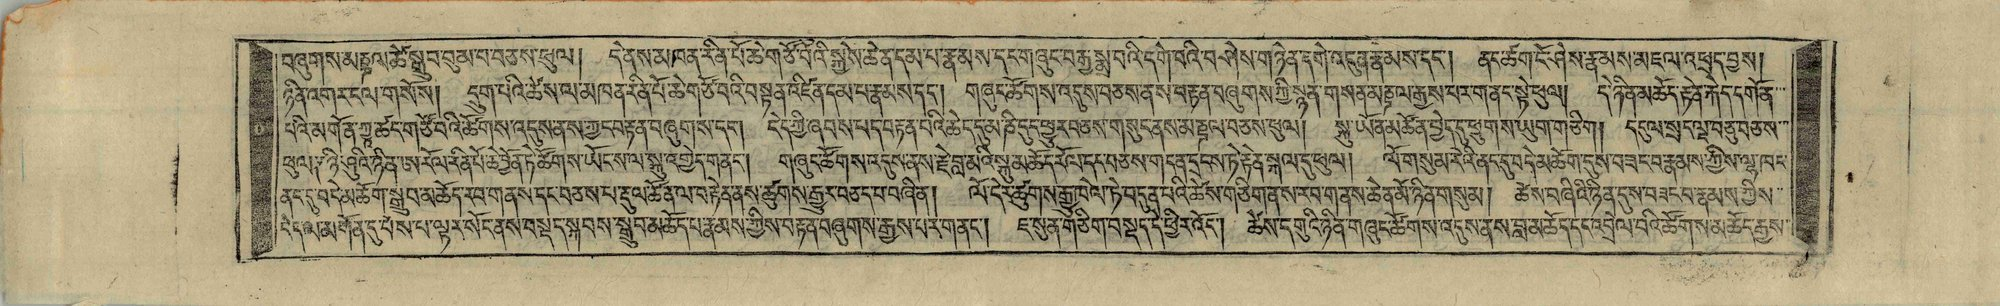བཞུགས་མཎྜལ་ཚེ་སྒྲུབ་བུམ་པ་བཅས་ཕུལ། དེ་ནས་མཁན་རིན་པོ་ཆེ་གཙོ་བོའི་སྐྱེས་ཆེན་དམ་པ་རྣམས་དང་གཞུང་བརྒྱ་སྨྲ་བའི་དགེ་བའི་བཤེས་གཉེན་དགེ་འདུན་རྣམས་དང་། ནང་ཚག་ངོ་ཤེས་རྣམས་མཇལ་འཕྲད་བྱས།
ཉིན་འགར་ངལ་གསོས། དྲུག་པའི་ཚེས་ལ་མཁན་རིན་པོ་ཆེ་གཙོ་བོའི་བསྟན་འཛིན་དམ་པ་རྣམས་དང་། གཞུང་ཚོགས་འདུས་བཅས་ནས་བརྟན་བཞུགས་ཀྱི་སྙན་གསན་མཎྜལ་རྒྱས་པར་གནང་སྟེ་ཕུལ། དེ་ཉིན་མཆོད་རྟེན་རྐེད་དགོན་
པའི་མགོན་ཀྱཱ་ཚང་གཙོ་བའི་ཚོགས་འདུས་ནས་ཀྱང་བརྟན་བཞུགས་དང་། ངེད་ཀྱི་ཞབས་པད་བརྟན་པའི་ཆེད་དུ་མ་ཎི་དུང་ཕྱུར་བཅས་གསུང་ནས་མཎྜལ་བཅས་ཕུལ། སྐུ་ཡོན་མཚོན་བྱེད་དུ་ཕྲུགས་ཡུག་གཅིག །དངུལ་སྲང་ལྔ་བཅུ་བཅས་
ཕུལ༑ ཉི་ཤུའི་ཉིན་ཨ་རོལ་རིན་པོ་ཆེ་བྱོན་ཏེ་ཚོགས་ཡོངས་ལ་སྐུ་འགྱེད་གནང་། གཞུང་ཚོགས་འདུས་ནས་རྗེ་བླ་མའི་སྐུ་མཆོད་རོལ་དང་བཅས་གདན་དྲངས་ཏེ་རྟེན་སྐལ་དུ་ཕུལ། ལོ་གསུམ་རེའི་ནང་དུ་བདེ་མཆོག་དུས་བཟང་བ་རྣམས་ཀྱིས་ལྷ་ཁང་
ནང་དུ་བདེ་མཆོག་སྒྲུབ་མཆོད་རབ་གནས་དང་བཅས་པ་རྡུལ་ཚོན་ལ་བརྟེན་ནས་ཚུགས་རྒྱུར་བཅད་པ་བཞིན། ལོ་དེར་ཚུགས་རྒྱུ་ཁེལ་ཏེ་བདུན་པའི་ཚེས་གཅིག་ནས་རབ་གནས་ཆེན་མོ་ཉིན་གསུམ། ཚེས་བཞིའི་ཉིན་དུས་བཟང་བ་རྣམས་ཀྱིས་
ངེད་ལ་མགོན་དུ་པས་པ་ལྟར་སོང་ནས་བསྡད་སྐབས་སྒྲུབ་མཆོད་པ་རྣམས་ཀྱིས་བརྟན་བཞུགས་རྒྱས་པར་གནང་། ཇ་སུན་གཅིག་བསྡད་དེ་ཕྱིར་འོང་། ཚེས་དགུའི་ཉིན་གཞུང་ཚོགས་འདུས་ནས་བླ་མཆོད་དང་འབྲེལ་བའི་ཚོགས་མཆོད་རྒྱས་